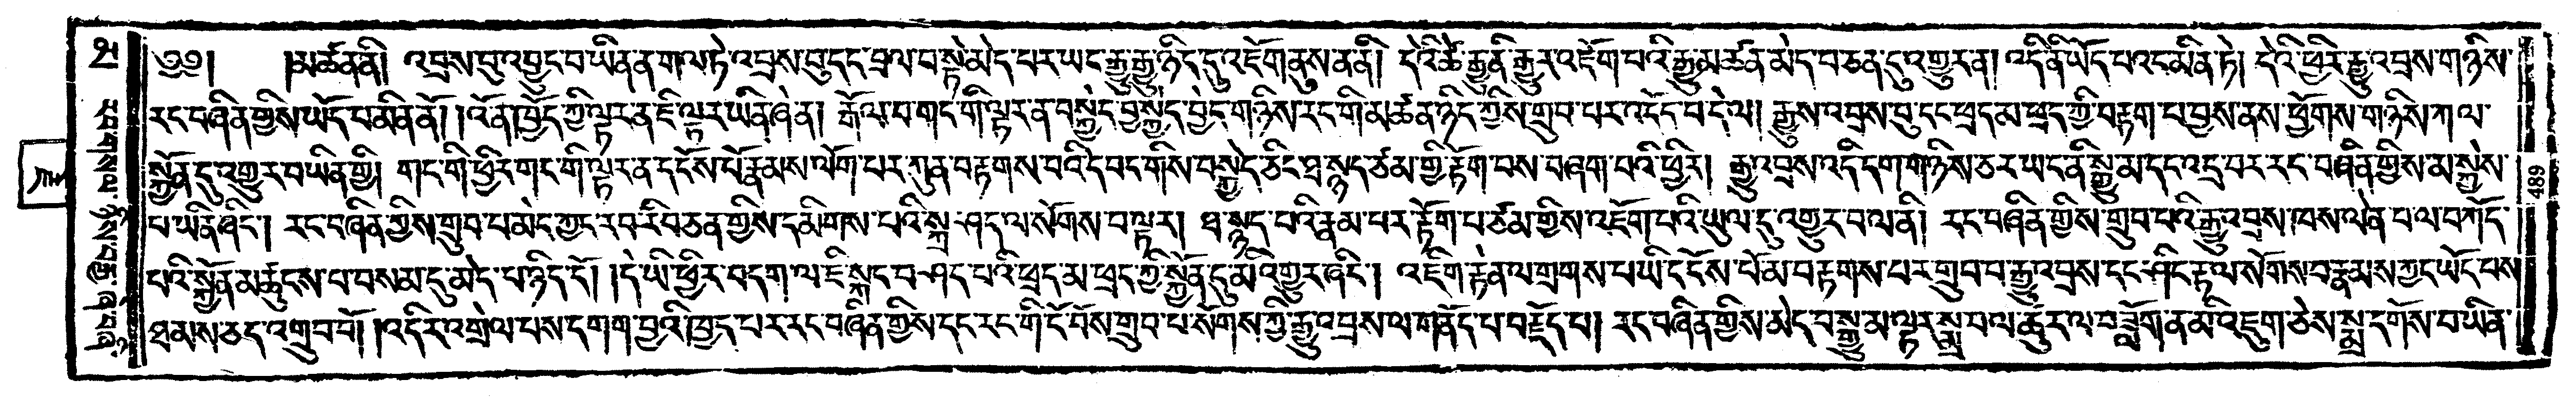༄༅། །མཚན་ནི། འབྲས་བུ་འབྱུང་བ་ཡིན་ན་གལ་ཏེ་འབྲས་བུ་དང་བྲལ་བ་སྟེ་མེད་པར་ཡང་རྒྱུ་རྒྱུ་ཉིད་དུ་འཇོག་ནུས་ན་ནི། དེའི་ཚེ་རྒྱུ་ནི་རྒྱུར་འཇོག་པའི་རྒྱུ་མཚན་མེད་པ་ཅན་དུ་འགྱུར་ན། འདི་ནི་ཡོད་པའང་མིན་ཏེ། དེའི་ཕྱིར་རྒྱུ་འབྲས་གཉིས་
རང་བཞིན་གྱིས་ཡོད་པ་མིན་ནོ། །འོ་ན་ཁྱོད་ཀྱི་ལྟར་ན་ཇི་ལྟར་ཡིན་ཞེ་ན། རྒོལ་བ་གང་གི་ལྟར་ན་བསྐྱེད་བྱ་སྐྱེད་བྱེད་གཉིས་རང་གི་མཚན་ཉིད་ཀྱིས་གྲུབ་པར་འདོད་པ་དེ་ལ། རྒྱུས་འབྲས་བུ་དང་ཕྲད་མ་ཕྲད་ཀྱི་བརྟག་པ་བྱས་ནས་ཕྱོགས་གཉིས་ཀ་ལ་
སྐྱོན་དུ་འགྱུར་བ་ཡིན་གྱི། གང་གི་ཕྱིར་གང་གི་ལྟར་ན་དངོས་པོ་རྣམས་ལོག་པར་ཀུན་བརྟགས་པའི་དབང་གིས་བསྐྱེད་ཅིང་ཐ་སྙད་ཙམ་གྱི་རྟོག་པས་བཞག་པའི་ཕྱིར། རྒྱུ་འབྲས་འདི་དག་གཉིས་ཅར་ཡང་ནི་སྒྱུ་མ་དང་འདྲ་བར་རང་བཞིན་གྱིས་མ་སྐྱེས་
པ་ཡིན་ཞིང་། རང་བཞིན་གྱིས་གྲུབ་པ་མེད་ཀྱང་རབ་རིབ་ཅན་གྱིས་དམིགས་པའི་སྒྲ་ཤད་ལ་སོགས་པ་ལྟར། ཐ་སྙད་པའི་རྣམ་པར་རྟོག་པ་ཙམ་གྱིས་འཇོག་པའི་ཡུལ་དུ་འགྱུར་བ་ལ་ནི། རང་བཞིན་གྱིས་གྲུབ་པའི་རྒྱུ་འབྲས་ཁས་ལེན་པ་ལ་བཀོད་
པའི་སྐྱོན་མཚུངས་པ་བསམ་དུ་མེད་པ་ཉིད་དོ། །དེ་ཡི་ཕྱིར་བདག་ལ་ཇི་སྐད་བཤད་པའི་ཕྲད་མ་ཕྲད་ཀྱི་སྐྱོན་དུ་མི་འགྱུར་ཞིང་། འཇིག་རྟེན་ལ་གྲགས་པ་ཡི་དངོས་པོ་མ་བརྟགས་པར་གྲུབ་པ་རྒྱུ་འབྲས་དང་ཤིང་རྟ་ལ་སོགས་པ་རྣམས་ཀྱང་ཡོད་པས་
ཐམས་ཅད་འགྲུབ་བོ། །འདིར་འགྲེལ་པས་དགག་བྱའི་ཁྱད་པར་རང་བཞིན་གྱིས་དང་རང་གི་ངོ་བོས་གྲུབ་པ་སོགས་ཀྱི་རྒྱུ་འབྲས་ལ་གནོད་པ་བརྗོད་པ། རང་བཞིན་གྱིས་མེད་པ་སྒྱུ་མ་ལྟར་སྨྲ་བ་ལ་ཚུར་ལ་བཟློག་ན་མི་འཇུག་ཅེས་སྨྲ་དགོས་པ་ཡིན་